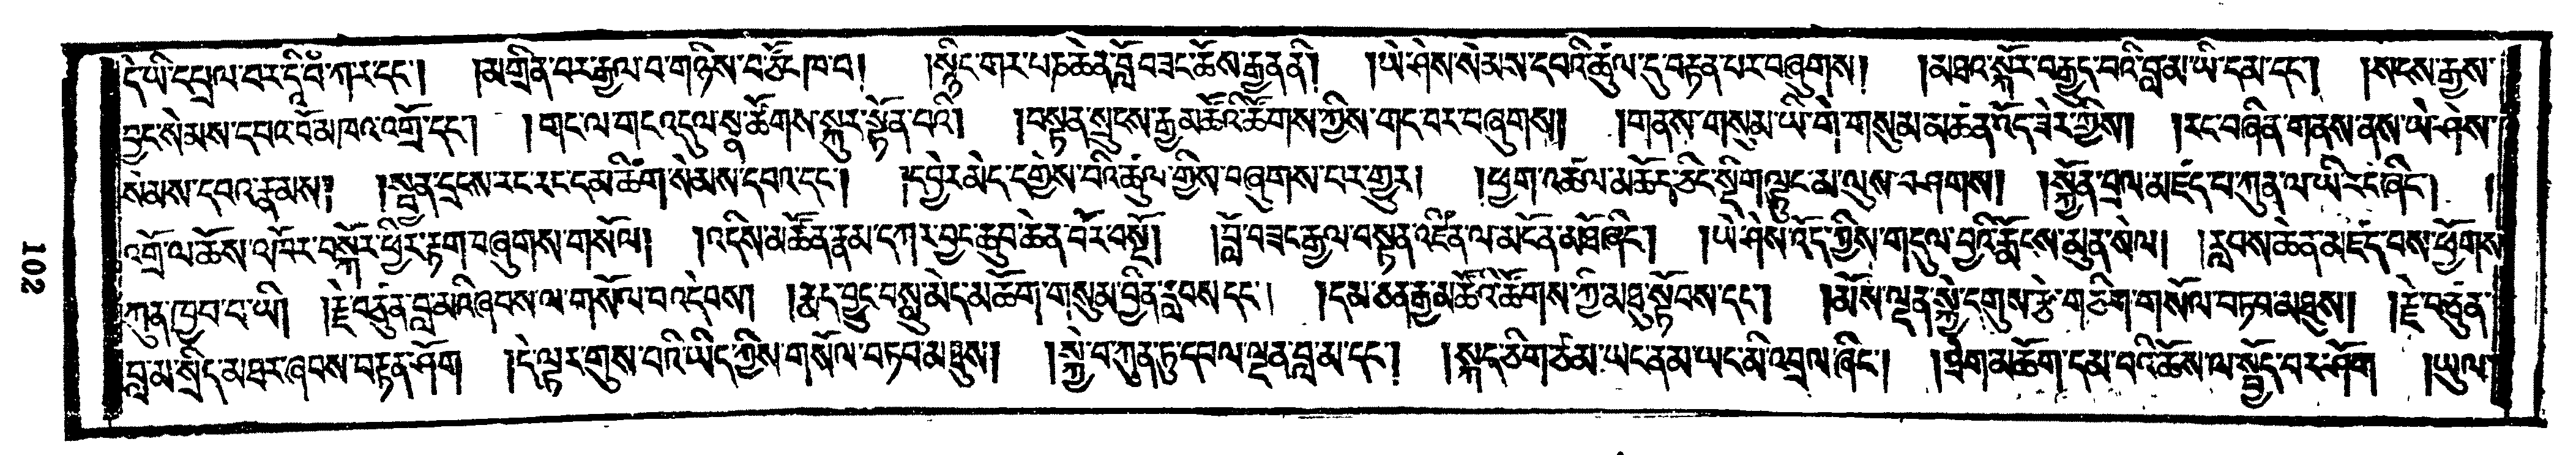དེ་ཡི་དཔྲལ་བར་དཱི་བཾ་ཀ་ར་དང་། །མགྲིན་པར་རྒྱལ་བ་གཉིས་བ་ཙོང་ཁ་བ། །སྙིང་གར་པཎ་ཆེན་བློ་བཟང་ཆོས་རྒྱན་ནི། །ཡེ་ཤེས་སེམས་དཔའི་ཚུལ་དུ་བརྟན་པར་བཞུགས། །མཐའ་སྐོར་བརྒྱུད་བའི་བླ་མ་ཡི་དམ་དང་། །སངས་རྒྱས་
བྱང་སེམས་དཔའ་བོ་མཁའ་འགྲོ་དང་། །གང་ལ་གང་འདུལ་སྣ་ཚོགས་སྐུར་སྟོན་པའི། །བསྟན་སྲུངས་རྒྱ་མཚོའི་ཚོགས་ཀྱིས་གང་བར་བཞུགས། །གནས་གསུམ་ཡི་གེ་གསུམ་མཚན་འོད་ཟེར་གྱིས། །རང་བཞིན་གནས་ནས་ཡེ་ཤེས་
སེམས་དབའ་རྣམས། །སྦྱན་དྲངས་རང་རང་དམ་ཚིག་སེམས་དཔའ་དང་། །དབྱེར་མེད་དགྱེས་བའི་ཚུལ་གྱི་བཞུགས་པར་གྱུར། །ཕྱག་འཚལ་མཆོད་ཅིང་སྡིག་ལྟུང་མ་ལུས་བཤགས། །སྐྱོན་བྲལ་མཛད་པ་ཀུན་ལ་ཡི་རང་ཞིང་། །
འགྲོ་ལ་ཆོས་འཁོར་བསྐོར་ཕྱིར་རྟག་བཞུགས་གསོལ། །འདིས་མཚོན་རྣམ་དཀར་བྱང་ཆུབ་ཆེན་བོར་བསྔོ། །བློ་བཟང་རྒྱལ་བསྟན་འཛིན་ལ་མངོན་མཐོ་ཞིང་། །ཡེ་ཤེས་འོད་ཀྱིས་གདུལ་བྱའི་རྨོངས་མུན་སེལ། །རླབས་ཆེན་མཛད་པས་ཕྱོགས་
ཀུན་ཁྱབ་པ་ཡི། །རྗེ་བཙུན་བླ་མའི་ཞབས་ལ་གསོལ་བ་འདེབས། །རྨད་བྱུང་བསླུ་མེད་མཆོག་གསུམ་བྱིན་རླབས་དང་། །དམ་ཅན་རྒྱ་མཚོའི་ཚོགས་ཀྱི་མཐུ་སྟོབས་དང་། །མོས་ལྡན་སྐྱེ་དགུས་རྩེ་གཅིག་གསོལ་བཏབ་མཐུས། །རྗེ་བཙུན་
བླ་མ་སྲིད་མཐར་ཞབས་བརྟན་ཤོག །དེ་ལྟར་གུས་པའི་ཡིད་ཀྱིས་གསོལ་བཏབ་མཐུས། །སྐྱེ་བ་ཀུན་ཏུ་དཔལ་ལྡན་བླ་མ་དང་། །སྐད་ཅིག་ཙམ་ཡང་ནམ་ཡང་མི་འབྲལ་ཞིང་། །ཐེག་མཆོག་དམ་བའི་ཆོས་ལ་སྤྱོད་པར་ཤོག །ཡུལ་